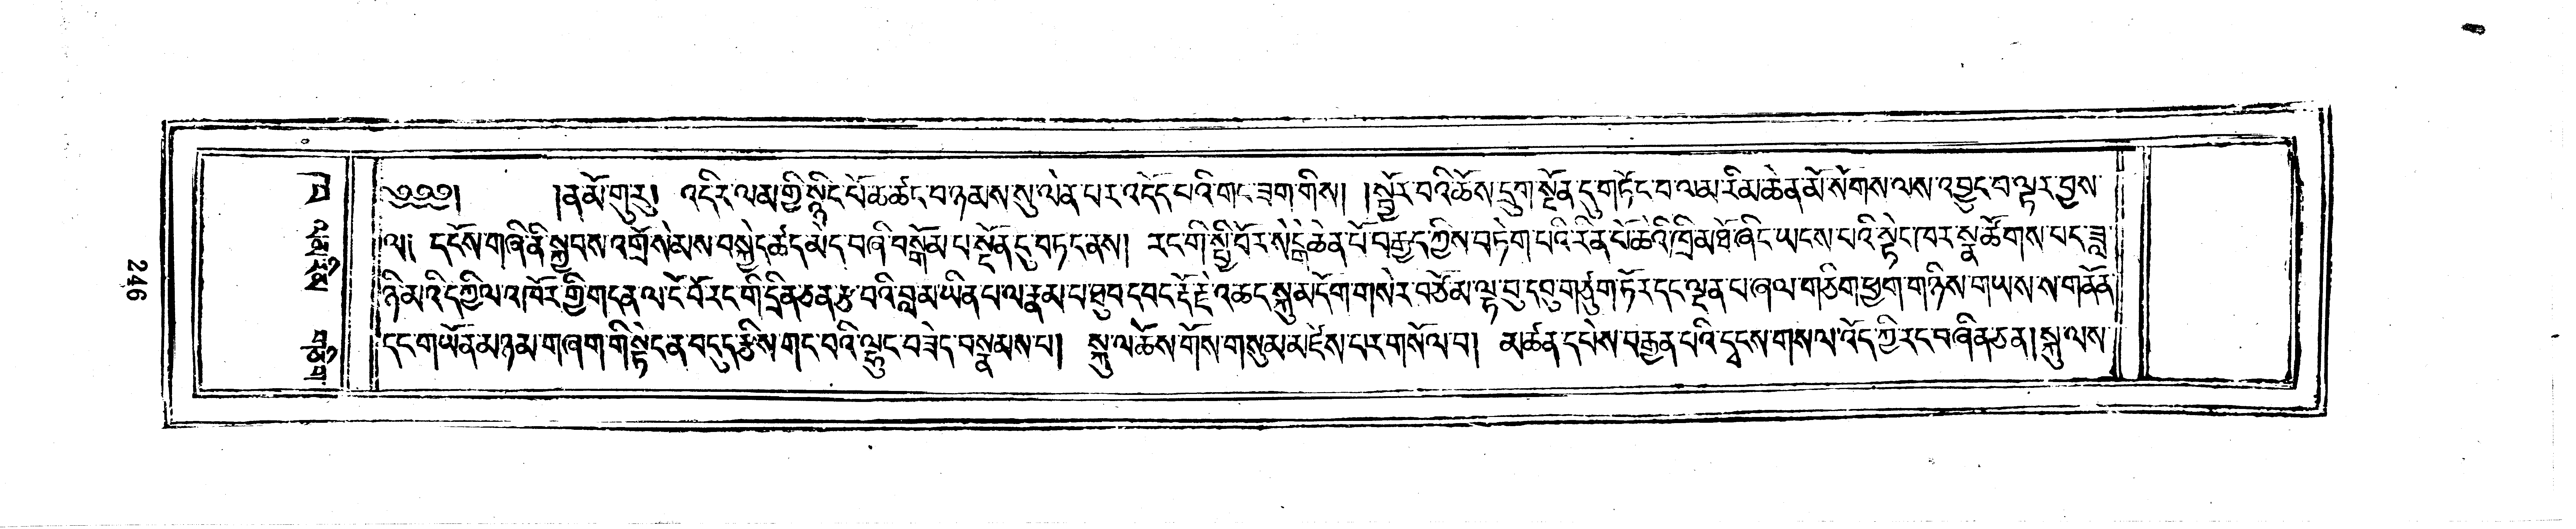༄༅༅། །ན་མོ་གུ་རུ། འདིར་ལམ་གྱི་སྙིང་པོ་ཆ་ཚང་བ་ཉམས་སུ་ལེན་པར་འདོད་པའི་གང་ཟག་གིས། །སྦྱོར་བའི་ཆོས་དྲུག་སྔོན་དུ་གཏོང་བ་ལམ་རིམ་ཆེན་མོ་སོགས་ལས་འབྱུང་བ་ལྟར་བྱས་
ལ༑ དངོས་གཞི་ནི་སྐྱབས་འགྲོ་སེམས་བསྐྱེད་ཚད་མེད་བཞི་བསྒོམ་པ་སྔོན་དུ་བཏང་ནས། རང་གི་སྤྱི་བོར་སེངྒེ་ཆེན་པོ་བརྒྱད་ཀྱིས་བཏེག་པའི་རིན་པོ་ཆེའི་ཁྲི་མཐོ་ཞིང་ཡངས་པའི་སྟེང་ཁར་སྣ་ཚོགས་པད་ཟླ་
ཉི་མའི་དཀྱིལ་འཁོར་གྱི་གདན་ལ་ངོ་བོ་རང་གི་དྲིན་ཅན་རྩ་བའི་བླ་མ་ཡིན་པ་ལ་རྣམ་པ་ཐུབ་དབང་རྡོ་རྗེ་འཆང་སྐུ་མདོག་གསེར་བཙོམ་ལྟ་བུ་དབུ་གཙུག་ཏོར་དང་ལྡན་པ་ཞལ་གཅིག་ཕྱག་གཉིས་གཡས་ས་གནོན་
དང་གཡོན་མཉམ་གཞག་གི་སྟེང་ན་བདུད་རྩིས་གང་བའི་ལྷུང་བཟེད་བསྣམས་པ། སྐུ་ལ་ཆོས་གོས་གསུམ་མཛེས་པར་གསོལ་བ། མཚན་དཔེས་བརྒྱན་པའི་དྭངས་གསལ་འོད་ཀྱི་རང་བཞིན་ཅན། སྐུ་ལས་